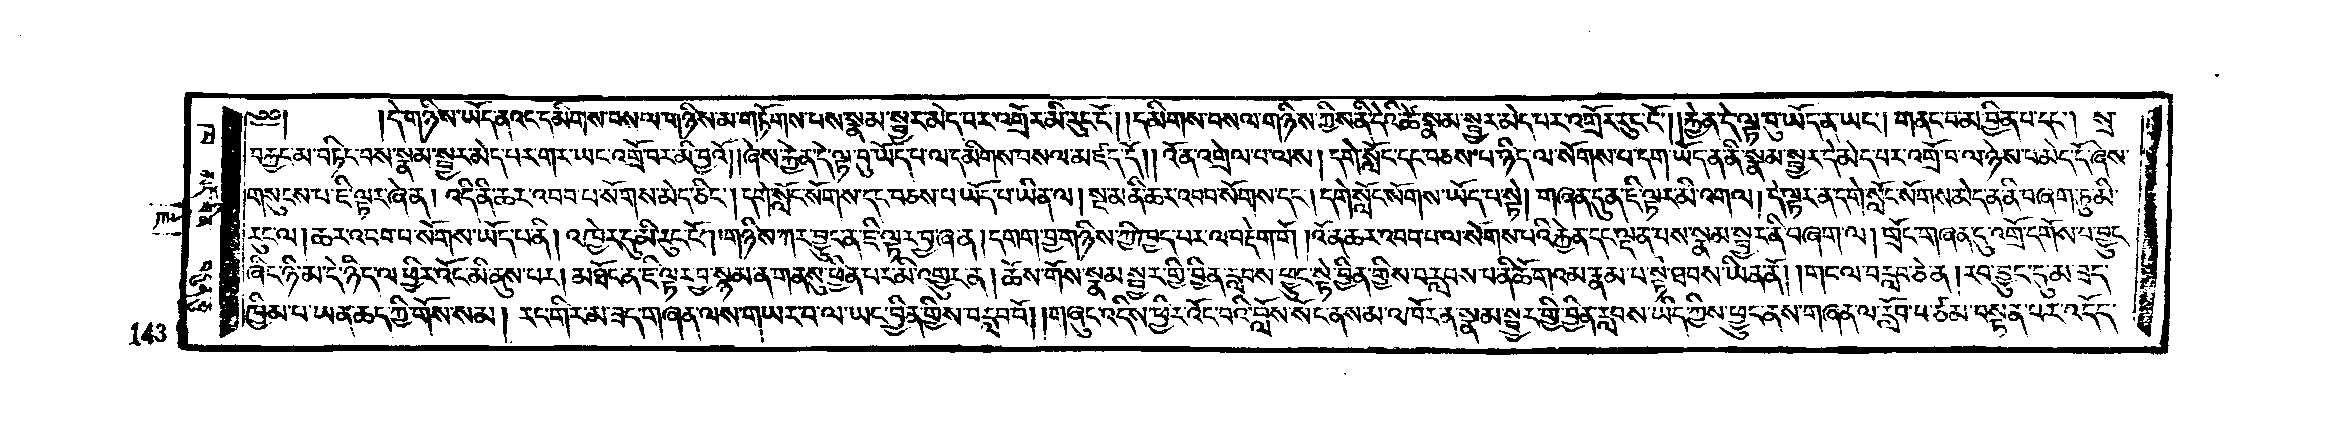༄༅། །དེ་གཉིས་ཡོད་ནའང་དམིགས་བསལ་གཉིས་མ་གཏོགས་པས་སྣམ་སྦྱར་མད་པར་འགྲོར་མི་རུང་ངོ། །དམིགས་བསལ་གཉིས་ཀྱིས་ནི་དེའི་ཚེ་སྣམ་སྦྱར་མེད་པར་འགྲོར་རུང་ངོ། །རྐྱེན་དེ་ལྟ་བུ་ཡོད་ན་ཡང་། གནང་བ་མ་བྱིན་པ་དང་། སྲ་
བརྐྱང་མ་བཏིང་བས་སྣམ་སྦྱར་མེད་པར་གར་ཡང་འགྲོ་བར་མི་བྱའོ། །ཞེས་རྐྱེན་དེ་ལྟ་བུ་ཡོད་པ་ལ་དམིགས་བསལ་མཛད་དོ། །འོ་ན་འགྲེལ་པ་ལས། དགེ་སློང་དང་བཅས་པ་ཉིད་ལ་སོགས་པ་དག་ཡོད་ན་ནི་སྣམ་སྦྱར་དེ་མེད་པར་འགྲོ་བ་ལ་ཉེས་པ་མེད་དོ་ཞེས་
གསུངས་པ་ཇི་ལྟར་ཞེ་ན། འདི་ནི་ཆར་འབབ་པ་སོགས་མེད་ཅིང་། དགེ་སློང་སོགས་དང་བཅས་པ་ཡོད་པ་ཡིན་ལ། སྔ་མ་ནི་ཆར་འབབ་སོགས་དང་། དགེ་སློང་སོགས་ཡོད་པ་སྟེ། གཞན་དུ་ན་ཇི་ལྟར་མི་འགལ། དེ་ལྟར་ན་དགེ་སློང་སོགས་མེད་ན་ནི་བཞག་ཏུ་མི་
རུང་ལ། ཆར་འབབ་པ་སོགས་ཡོད་པ་ནི། འཁྱེར་དུ་མི་རུང་ངོ། །གཉིས་ཀར་བྱུང་ན་ཇི་ལྟར་བྱ་ཞ་ན། དགག་བྱ་གཉིས་ཀྱི་ཁྱད་པར་ལ་བརྡེག་གོ ། འོ་ན་ཆར་འབབ་པ་ལ་སོགས་པའི་རྐྱེན་དང་ལྡན་པས་སྣམ་སྦྱར་ནི་བཞག་ལ། གྲོང་གཞན་དུ་འགྲོ་དགོས་པ་བྱུང་
ཞིང་ཉི་མ་དེ་ཉིད་ལ་ཕྱིར་འོང་མི་ནུས་པར། མཐོང་ན་ཇི་ལྟར་བྱ་སྙམ་ན་གནས་སུ་ཕྱིན་པར་མི་འགྱུར་ན། ཆོས་གོས་སྣམ་སྦྱར་གྱི་བྱིན་རླབས་ཕྱུང་སྟེ་བྱིན་གྱིས་བརླབས་པ་ནི་ཆོ་གའམ་རྣམ་པ་སྟེ་ཐབས་ཡིན་ནོ། །གང་ལ་བརླབ་ཅེ་ན། རབ་བྱུང་དུ་མ་ཟད་
ཁྱིམ་པ་ཡན་ཆད་ཀྱི་གོས་སམ། རང་གིར་མ་ཟད་གཞན་ལས་གཡར་བ་ལ་ཡང་བྱིན་གྱིས་བརླབ་བོ། །གཞུང་འདིས་ཕྱིར་འོང་བའི་བློས་སོང་ནས་མ་འཁོར་ན་སྣམ་སྦྱར་གྱི་བྱིན་རླབས་ཡིད་ཀྱིས་ཕྱུང་ནས་གཞན་ལ་རློབ་པ་ཙམ་བསྟན་པར་འདོད་